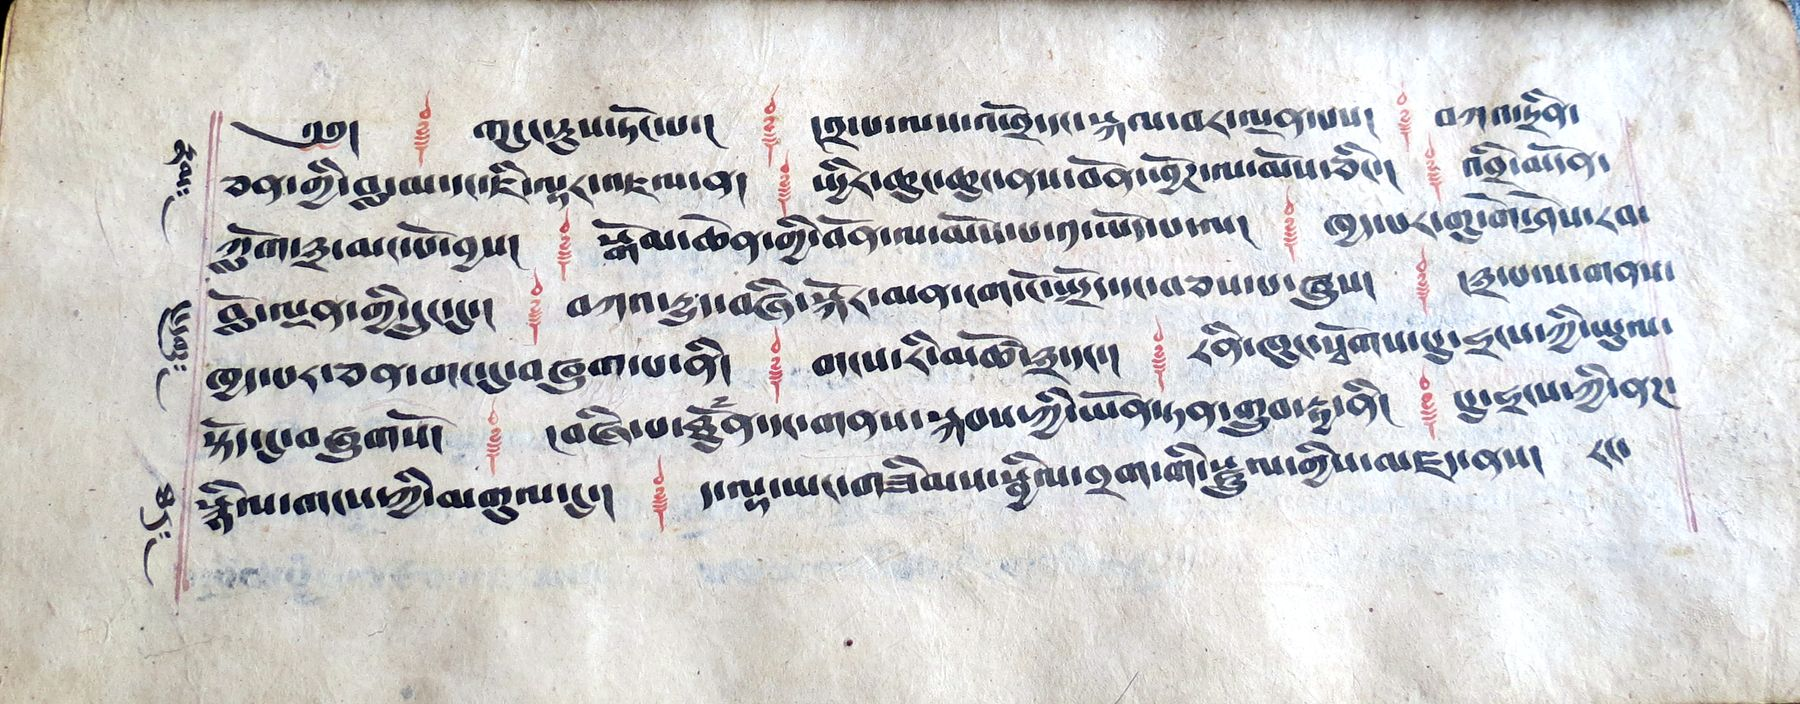གདུང་རུས་སྟོང་པ། གཉིས་པ་ལས་འཕྲོ་དང་སྐལ་པར་ལྡན་པས། བཀའ་དྲིན་
ཅན་གྱི་བླ་མ་དང་ཅི་ལྟར་མཇལ་ན། སྤྱིར་ཆུང་ཆུང་ནས་བོན་ཕྱོགས་མེད་ལ་མོས་ཤིང་། འབྲི་འདོན་
ཀློག་གསུམ་མང་པོ་བྱས། སྒོམ་ཆེན་གྱི་བོན་ལ་མོས་པ་ཞིག་ཡོད་པ་ལ། ཁྱད་པར་གུ་གེ་ཤེས་རབ་
བློ་ལྡན་གྱི་དྲུང་དུ། བཀའ་རྒྱུད་བཞི་སྐོར་མན་ངག་ངོ་སྤྲོད་དང་བཅས་པ་ཞུས། གསུམ་པ་ས་གནས་
ཁྱད་པར་ཅན་གང་དུ་བཞུགས་པ་ནི། གངས་རི་མཚོ་གསུམ་དང་རིན་ཁུང་ལས་སོགས་པུ་ཧྲང་གི་ཡུལ་
སྟོད་དུ་བཞུགས་སོ། ། བཞི་པ་ཐུན་མོང་དང་གནས་སྐབས་ཀྱི་ཡོན་ཏན་གྲུབ་རྟགས་ནི། པུ་ཧྲང་གི་ནགས་
སྙེལ་གངས་ཀྱི་མགུལ་དུ། ད་ལྟར་ཡང་གཟིམས་སྤྱིལ་བྲག་ལ་རྫུ་འཕྲུལ་མཛད་ནས། རང་